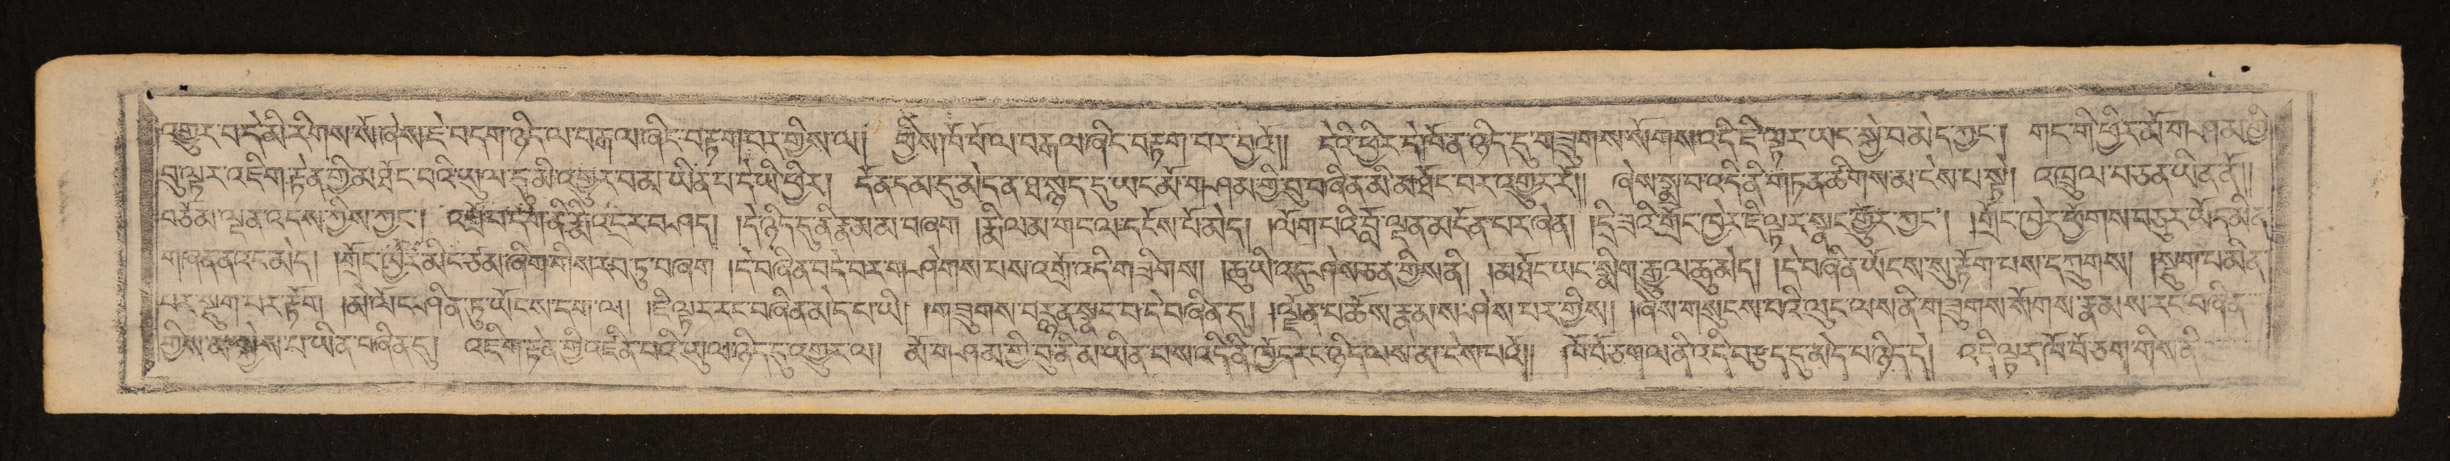འགྱུར་བ་དེ་མི་རིགས་སོ་ཞེས་ཇེ་བདག་ཉིད་ལ་བརྒལ་ཞིང་བརྟག་པར་གྱིས་ལ། ཕྱིས་ཁོ་བོ་ལ་བརྒལ་ཞིང་བརྟག་པར་བྱའོ།། དེའི་ཕྱིར་དེ་ཁོ་ན་ཉིད་དུ་གཟུགས་སོགས་འདི་ཇི་ལྟར་ཡང་སྐྱེ་བ་མེད་ཀྱང་། གང་གི་ཕྱིར་མོ་གཤམ་གྱི་
བུ་ལྟར་འཇིག་རྟེན་གྱི་མཐོང་བའི་ཡུལ་དུ་མི་འགྱུར་བ་མ་ཡིན་པ་དེ་ཡི་ཕྱིར། དོན་དམ་དུ་མེད་ན་ཐ་སྙད་དུ་ཡང་མོ་གཤམ་གྱི་བུ་བཞིན་མི་མཐོང་བར་འགྱུར་རོ།། ཞེས་སྨྲ་བ་འདི་ནི་གཏན་ཚིགས་མ་ངེས་པ་སྟེ། འཁྲུལ་པ་ཅན་ཡིན་ནོ།།
བཅོམ་ལྡན་འདས་ཀྱིས་ཀྱང་། འགྲོ་བ་དག་ནི་རྨི་འདྲར་བཤད། །དེ་ཉིད་དུ་ནི་རྣམ་མ་བཞག །རྨི་ལམ་གང་ལ་དངོས་པོ་མེད། །ལོག་པའི་བློ་ལྡན་མངོན་པར་ཞེ་ན། །དྲི་ཟའི་གྲོང་ཁྱེར་ཇི་ལྟར་སྣང་གྱུར་ཀྱང་། །གྲོང་ཁྱེར་ཕྱོགས་བཅུར་ཡོད་མིན་
གཞན་ནའང་མེད། །གྲོང་ཁྱེར་མིང་ཙམ་ཞིག་གིས་རབ་ཏུ་བཞག །དེ་བཞིན་བདེ་བར་གཤེགས་པས་འགྲོ་འདི་གཟིགས། །ཆུ་ཡི་འདུ་ཤེས་ཅན་གྱིས་ནི། །མཐོང་ཡང་སྨིག་རྒྱུ་ལ་ཆུ་མེད། །དེ་བཞིན་ཡོངས་སུ་རྟོག་པས་དཀྲུགས། །སྡུག་པ་མིན་
པར་སྡུག་པར་རྟོག །མེ་ལོང་ཤིན་ཏུ་ཡོངས་དག་ལ། །ཇི་ལྟར་རང་བཞིན་མེད་པ་ཡི། །གཟུགས་བརྙན་སྣང་བ་དེ་བཞིན་དུ། །ལྗོན་པ་ཆོས་རྣམས་ཤེས་བར་གྱིས། །ཞེས་གསུངས་པའི་ལུང་ལས་ནི་གཟུགས་སོགས་རྣམས་རང་བཞིན་
གྱིས་མ་སྐྱེས་པ་ཡིན་བཞིན་དུ། འཇིག་རྟེན་གྱི་འཛིན་པའི་ཡུལ་ཉིད་དུ་འགྱུར་ལ། མོ་གཤམ་གྱི་བུ་ནི་མ་ཡིན་པས་འདི་ནི་ཁྱོད་རང་ཉིད་ལས་མ་ངེས་པའོ།། ཁོ་བོ་ཅག་ལ་ནི་འདི་བརྩད་དུ་མེད་པ་ཉིད་དེ། འདི་ལྟར་ཁོ་བོ་ཅག་གིས་ནི་